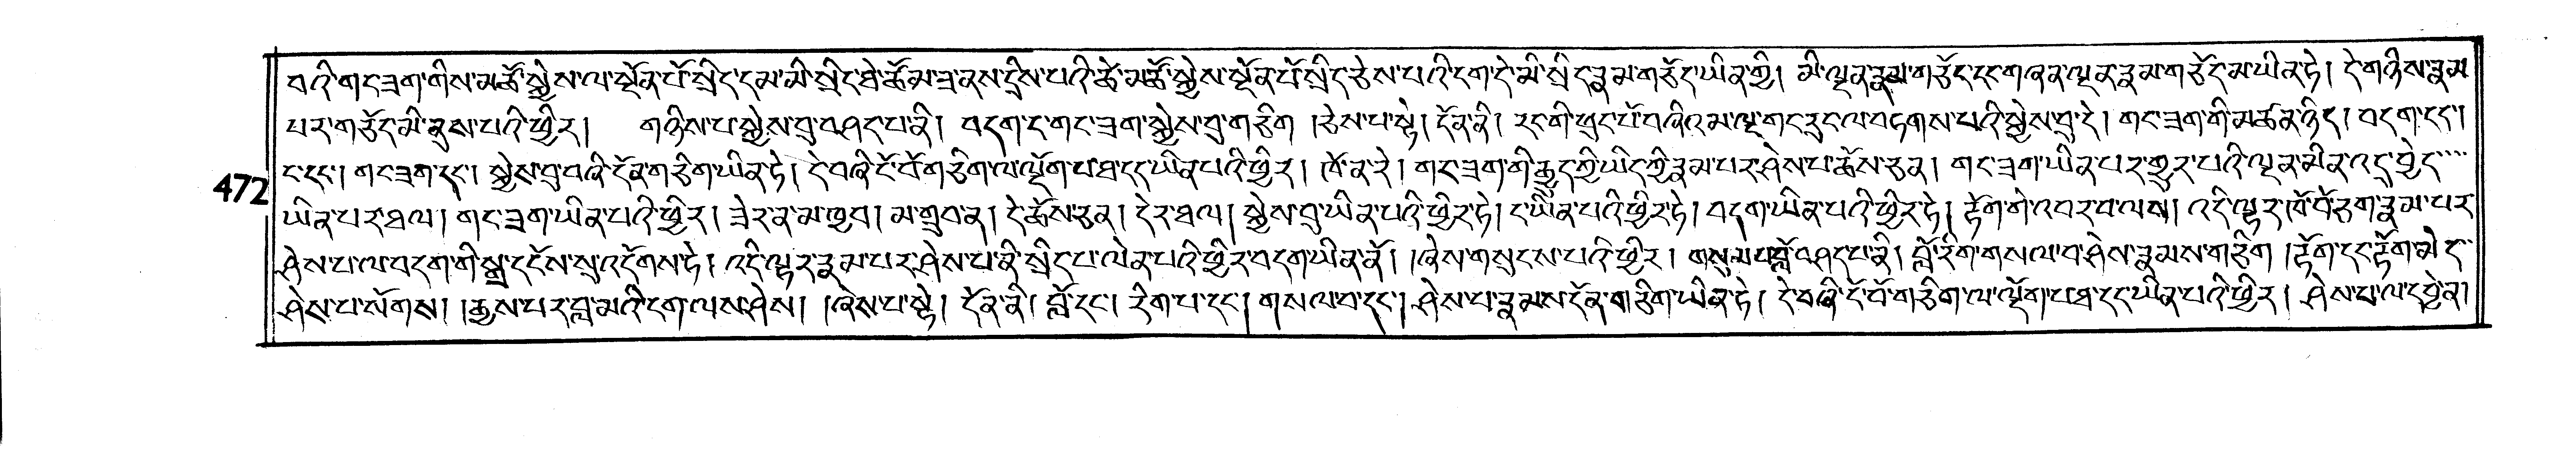བའི་གང་ཟག་གིས་མཚོ་སྐྱེས་ལ་སྔོན་པོ་སྲིད་དམ་མི་སྲིད་ཐེ་ཚོམ་ཟ་ནས་དྲིས་པའི་ཚེ་མཚོ་སྐྱེས་སྔོན་པོ་སྲིད་ཅེས་པའི་དག་དེ་མི་སྲིད་རྣམ་གཅོད་ཡིན་གྱི། མི་ལྡན་རྣམ་གཅོད་དང་གཞན་ལྡན་རྣམ་གཅོད་མ་ཡིན་ཏེ། དེ་གཉིས་རྣམ་
པར་གཅོད་མི་ནུས་པའི་ཕྱིར། གཉིས་པ་སྐྱེས་བུ་བཤད་པ་ནི། བདག་ང་གང་ཟག་སྐྱེས་བུ་གཅིག །ཅེས་པ་སྟེ། དོན་ནི། རང་གི་ཕུང་པོ་བཞིའམ་ལྔ་གང་རུང་ལ་བཏགས་པའི་སྐྱེས་བུ་དེ། གང་ཟག་གི་མཚན་ཉིད། བདག་དང་།
ང་དང་། གང་ཟག་དང་། སྐྱེས་བུ་བཞི་དོན་གཅིག་ཡིན་ཏེ། དེ་བཞི་ངོ་བོ་གཅིག་ལ་ལྡོག་པ་ཐ་དད་ཡིན་པའི་ཕྱིར། ཁོ་ན་རེ། གང་ཟག་གི་རྒྱུད་ཀྱི་ཡིད་ཀྱི་རྣམ་པར་ཤེས་པ་ཆོས་ཅན། གང་ཟག་ཡིན་པར་གྱུར་པའི་ལྡན་མིན་འདུ་བྱེད་
ཡིན་པར་ཐལ། གང་ཟག་ཡིན་པའི་ཕྱིར། ཟེར་ན་མ་ཁྱབ། མ་གྲུབ་ན། དེ་ཆོས་ཅན། དེར་ཐལ། སྐྱེས་བུ་ཡིན་པའི་ཕྱིར་ཏེ། ང་ཡིན་པའི་ཕྱིར་ཏེ། བདག་ཡིན་པའི་ཕྱིར་ཏེ། རྟོག་གེ་འབར་བ་ལས། འདི་ལྟར་ཁོ་བོ་ཅག་རྣམ་པར་
ཤེས་པ་ལ་བདག་གི་སྒྲ་དངོས་སུ་འདོགས་ཏེ། འདི་ལྟར་རྣམ་པར་ཤེས་པ་ནི་སྲིད་པ་ལེན་པའི་ཕྱིར་བདག་ཡིན་ནོ། །ཞེས་གསུངས་པའི་ཕྱིར། གསུམ་པ་བློ་བཤད་པ་ནི། བློ་རིག་གསལ་བ་ཤེས་རྣམས་གཅིག །རྟོག་དང་རྟོག་མེད་
ཤེས་པ་སོགས། །རྒྱས་པར་བླ་མའི་དག་ལས་ཤེས། །ཞེས་པ་སྟེ། དོན་ནི། བློ་དང་། རིག་པ་དང་། གསལ་བ་དང་། ཤེས་པ་རྣམས་དོན་གཅིག་ཡིན་ཏེ། དེ་བཞི་ངོ་བོ་གཅིག་ལ་ལྡོག་པ་ཐ་དད་ཡིན་པའི་ཕྱིར། ཤེས་པ་ལ་དབྱེ་ན།